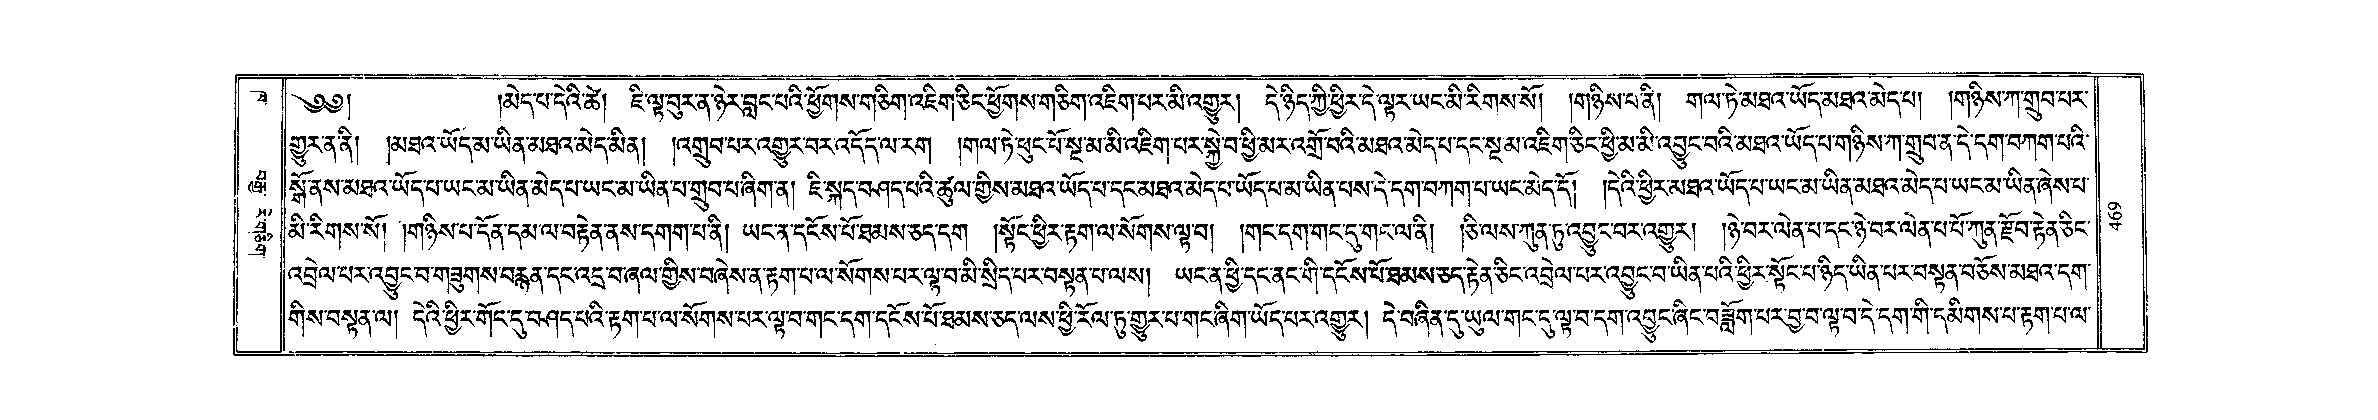༄༅། །མེད་པ་དེའི་ཚེ། ཇི་ལྟ་བུར་ན་ཉེར་བླང་བའི་ཕྱོགས་གཅིག་འཇིག་ཅིང་ཕྱོགས་གཅིག་འཇིག་པར་མི་འགྱུར། དེ་ཉིད་ཀྱི་ཕྱིར་དེ་ལྟར་ཡང་མི་རིགས་སོ། །གཉིས་པ་ནི། གལ་ཏེ་མཐའ་ཡོད་མཐའ་མེད་པ། །གཉིས་ཀ་གྲུབ་པར་
གྱུར་ན་ནི། །མཐའ་ཡོད་མ་ཡིན་མཐའ་མེད་མིན། །འགྲུབ་པར་འགྱུར་བར་འདོད་ལ་རག །གལ་ཏེ་ཕུང་པོ་སྔ་མ་མི་འཇིག་པར་སྐྱེ་བ་ཕྱི་མར་འགྲོ་བའི་མཐའ་མེད་པ་དང་སྔ་མ་འཇིག་ཅིང་ཕྱི་མ་མི་འབྱུང་བའི་མཐའ་ཡོད་པ་གཉིས་ཀ་གྲུབ་ན་དེ་དག་བཀག་པའི་
སྒོ་ནས་མཐའ་ཡོད་པ་ཡང་མ་ཡིན་མེད་པ་ཡང་མ་ཡིན་པ་གྲུབ་པ་ཞིག་ན། ཇི་སྐད་བཤད་པའི་ཚུལ་གྱིས་མཐའ་ཡོད་པ་དང་མཐའ་མེད་པ་ཡོད་པ་མ་ཡིན་པས་དེ་དག་བཀག་པ་ཡང་མེད་དོ། །དེའི་ཕྱིར་མཐའ་ཡོད་པ་ཡང་མ་ཡིན་མཐའ་མེད་པ་ཡང་མ་ཡིན་ཞེས་པ་
མི་རིགས་སོ། །གཉིས་པ་དོན་དམ་ལ་བརྟེན་ནས་དགག་པ་ནི། ཡང་ན་དངོས་པོ་ཐམས་ཅད་དག །སྟོང་ཕྱིར་རྟག་ལ་སོགས་ལྟ་བ། །གང་དག་གང་དུ་གང་ལ་ནི། །ཅི་ལས་ཀུན་ཏུ་འབྱུང་བར་འགྱུར། །ཉེ་བར་ལེན་པ་དང་ཉེ་བར་ལེན་པ་པོ་ཀུན་རྫོབ་རྟེན་ཅིང་
འབྲེལ་པར་འབྱུང་བ་གཟུགས་བརྙན་དང་འདྲ་བ་ཞལ་གྱིས་བཞེས་ན་རྟག་པ་ལ་སོགས་པར་ལྟ་བ་མི་སྲིད་པར་བསྟན་པ་ལས། ཡང་ན་ཕྱི་དང་ནང་གི་དངོས་པོ་ཐམས་ཅད་རྟེན་ཅིང་འབྲེལ་པར་འབྱུང་བ་ཡིན་པའི་ཕྱིར་སྟོང་པ་ཉིད་ཡིན་པར་བསྟན་བཅོས་མཐའ་དག་
གིས་བསྟན་ལ། དེའི་ཕྱིར་གོང་དུ་བཤད་པའི་རྟག་པ་ལ་སོགས་པར་ལྟ་བ་གང་དག་དངོས་པོ་ཐམས་ཅད་ལས་ཕྱི་རོལ་ཏུ་གྱུར་པ་གང་ཞིག་ཡོད་པར་འགྱུར། དེ་བཞིན་དུ་ཡུལ་གང་དུ་ལྟ་བ་དག་འབྱུང་ཞིང་བཟློག་པར་བྱ་བ་ལྟ་བ་དེ་དག་གི་དམིགས་པ་རྟག་པ་ལ་